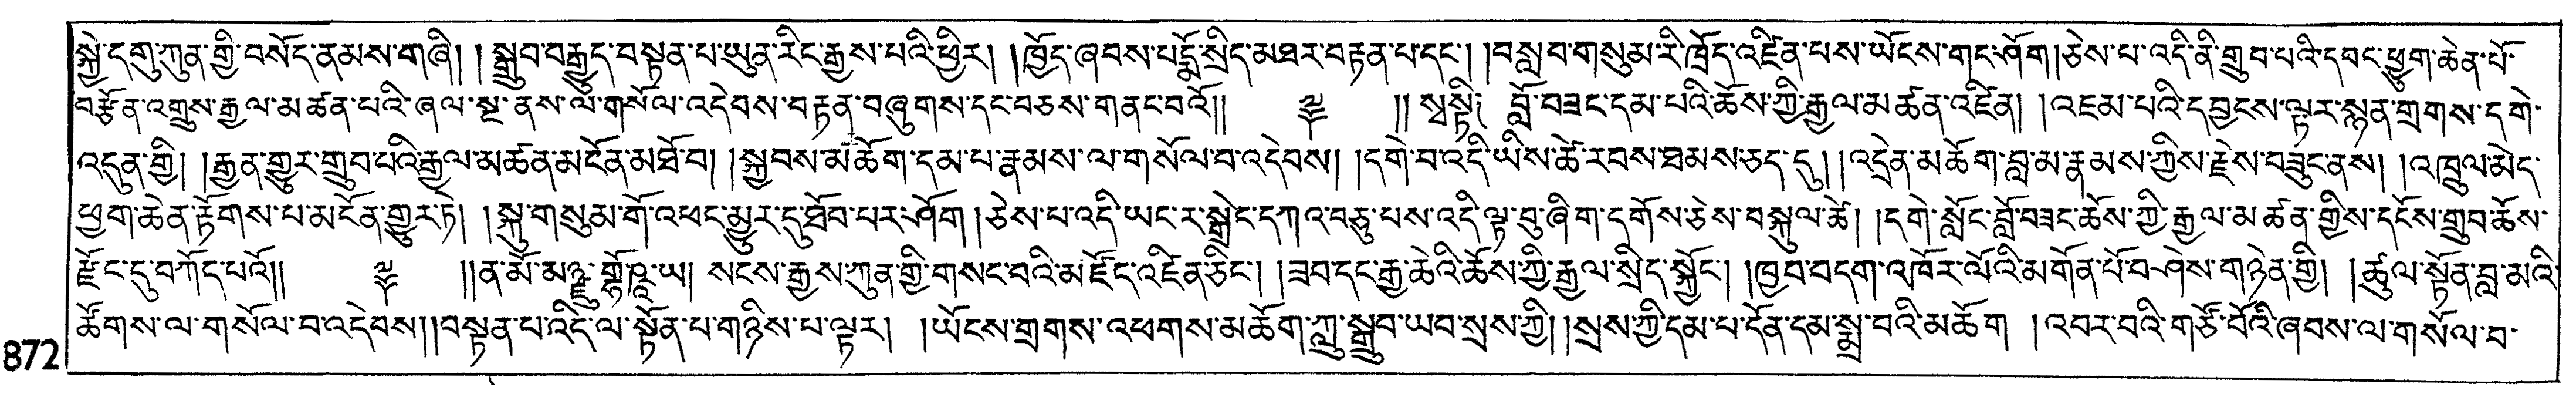སྐྱེ་དགུ་ཀུན་གྱི་བསོད་ནམས་གཞི། །སྒྲུབ་བརྒྱུད་བསྟན་པ་ཡུན་རིང་རྒྱས་པའི་ཕྱིར། །ཁྱོད་ཞབས་པདམོ་སྲིད་མཐར་བརྟན་པ་དང་། །བསླབ་གསུམ་རི་ཁྲོད་འཛིན་པས་ཡོངས་གང་ཤོག །ཅེས་པ་འདི་ནི་གྲུབ་པའི་དབང་ཕྱུག་ཆེན་པོ་
བརྩོན་འགྲུས་རྒྱལ་མཚན་པའི་ཞལ་སྔ་ནས་ལ་གསོལ་འདེབས་བརྟན་བཞུགས་དང་བཅས་གནང་བའོ།། ༈ །།སྭསྟི༑ བློ་བཟང་དམ་པའི་ཆོས་ཀྱི་རྒྱལ་མཚན་འཛིན། །འཇམ་པའི་དབྱངས་ལྟར་སྙན་གྲགས་དགེ་
འདུན་གྱི། །རྒྱན་གྱུར་གྲུབ་པའི་རྒྱལ་མཚན་མངོན་མཐོ་བ། །སྐྱབས་མཆོག་དམ་པ་རྣམས་ལ་གསོལ་བ་འདེབས། །དགེ་བ་འདི་ཡིས་ཚེ་རབས་ཐམས་ཅད་དུ། །འདྲེན་མཆོག་བླ་མ་རྣམས་ཀྱིས་རྗེས་བཟུང་ནས། །འཁྲུལ་མེད་
ཕྱག་ཆེན་རྟོགས་པ་མངོན་གྱུར་ཏེ། །སྐུ་གསུམ་གོ་འཕང་མྱུར་དུ་ཐོབ་པར་ཤོག །ཅེས་པ་འདི་ཡང་ར་སྒྲེང་དཀའ་བཅུ་པས་འདི་ལྟ་བུ་ཞིག་དགོས་ཅེས་བསྐུལ་ཚེ། །དགེ་སློང་བློ་བཟང་ཆོས་ཀྱི་རྒྱལ་མཚན་གྱིས་དངོས་གྲུབ་ཆོས་
རྫོང་དུ་བཀོད་པའོ།། ༈ །།ན་མོ་མཉྫུ་གྷོ་ཥཱ་ཡ། སངས་རྒྱས་ཀུན་གྱི་གསང་བའི་མཛོད་འཛིན་ཅིང་། །ཟབ་དང་རྒྱ་ཆེའི་ཆོས་ཀྱི་རྒྱལ་སྲིད་སྐྱོང་། །ཁྱབ་བདག་འཁོར་ལོའི་མགོན་པོ་བཤེས་གཉེན་གྱི། །ཚུལ་སྟོན་བླ་མའི་
ཚོགས་ལ་གསོལ་བ་འདེབས། །བསྟན་པ་འདི་ལ་སྟོན་པ་གཉིས་པ་ལྟར། །ཡོངས་གྲགས་འཕགས་མཆོག་ཀླུ་སྒྲུབ་ཡབ་སྲས་ཀྱི། །སྲས་ཀྱི་དམ་པ་དོན་དམ་སྨྲ་བའི་མཆོག །འབར་བའི་གཙོ་བོའི་ཞབས་ལ་གསོལ་བ་